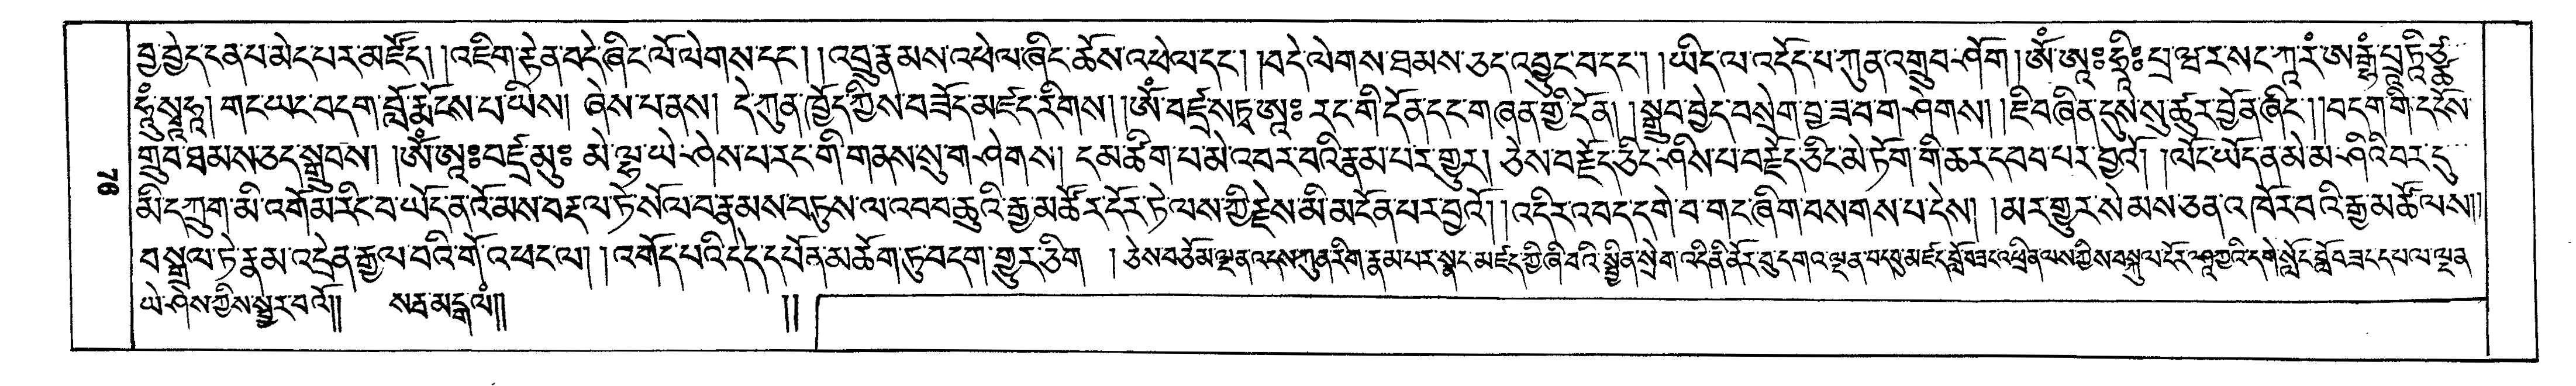བྱ་བྱེད་ངན་པ་མེད་པར་མཛོད། །འཇིག་རྟེན་བདེ་ཞིང་ལོ་ལེགས་དང་། །འབྲུ་རྣམས་འཕེལ་ཞིང་ཆོས་འཕེལ་དང་། །བདེ་ལེགས་ཐམས་ཅད་འབྱུང་བ་དང་། །ཡིད་ལ་འདོད་པ་ཀུན་འགྲུབ་ཤོག། །ཨོཾ་ཨཱཿཧྲཱིཿཔྲ་ཝར་སང་ཀཱ་རཾ་ཨརྒྷཾ་པྲ་ཏཱིཙྪ་
ཧཱུཾ་སྭཱཧཱ། གང་ཡང་བདག་བློ་རྨོངས་པ་ཡིས། ཞེས་པ་ནས། དེ་ཀུན་ཁྱོད་ཀྱིས་བཟོད་མཛད་རིགས། །ཨོཾ་བཛྲ་སཏྭ་ཨཱཿ རང་གི་དོན་དང་གཞན་གྱི་དོན། །སྒྲུབ་བྱེད་བསྲེག་བྱ་ཟ་བ་གཤེགས། །ཇི་བཞིན་དུས་སུ་ཚུར་བྱོན་ཞིང་། །བདག་གི་དངོས་
གྲུབ་ཐམས་ཅད་སྒྲུབས། །ཨོཾ་ཨཱཿབཛྲ་མུཿ མེ་ལྷ་ཡེ་ཤེས་པ་རང་གི་གནས་སུ་གཤེགས། དམ་ཚིག་པ་མེ་འབར་བའི་རྣམ་པར་གྱུར། ཅེས་བརྗོད་ཅིང་ཤིས་པ་བརྗོད་ཅིང་མེ་ཏོག་གི་ཆར་དབབ་བར་བྱའོ། །ལོང་ཡོད་ན་མེ་མ་ཤིའི་བར་དུ་
མི་དཀྲུག་མི་འགོམ་རིང་པ་ཡོད་ན་འོ་མས་བརྡལ་ཏེ་སོལ་བ་རྣམས་བཏུས་ལ་འབབ་ཆུའི་རྒྱ་མཚོར་དོར་ཏེ་ལས་ཀྱི་རྗེས་མི་མངོན་པར་བྱའོ། །འདིར་འབད་དགེ་བ་གང་ཞིག་བསགས་བ་དེས། །མར་གྱུར་སེམས་ཅན་འཁོར་བའི་རྒྱ་མཚོ་ལས།
བསྒྲལ་ཏེ་རྣམ་འདྲེན་རྒྱལ་བའི་གོ་འཕང་ལ། །འགོད་པའི་དེད་དཔོན་མཆོག་ཏུ་བདག་གྱུར་ཅིག །ཅེས་བཅོམ་ལྡན་འདས་ཀུན་རིག་རྣམ་བར་སྣང་མཛད་ཀྱི་ཞི་བའི་སྦྱིན་སྲེག་འདོན་ནོར་བུ་དགའ་ལྡན་བ་དབུ་མཛད་བློ་བཟང་འཕྲིན་ལས་ཀྱིས་བསྐུལ་ངོན་ཤཱཀྱའི་དགེ་སློང་བློ་བཟང་དཔལ་ལྡན་
ཡེ་ཤེས་ཀྱིས་སྦྱར་བའོ།། སརྦ་མངྒ་ལཾ།། །།